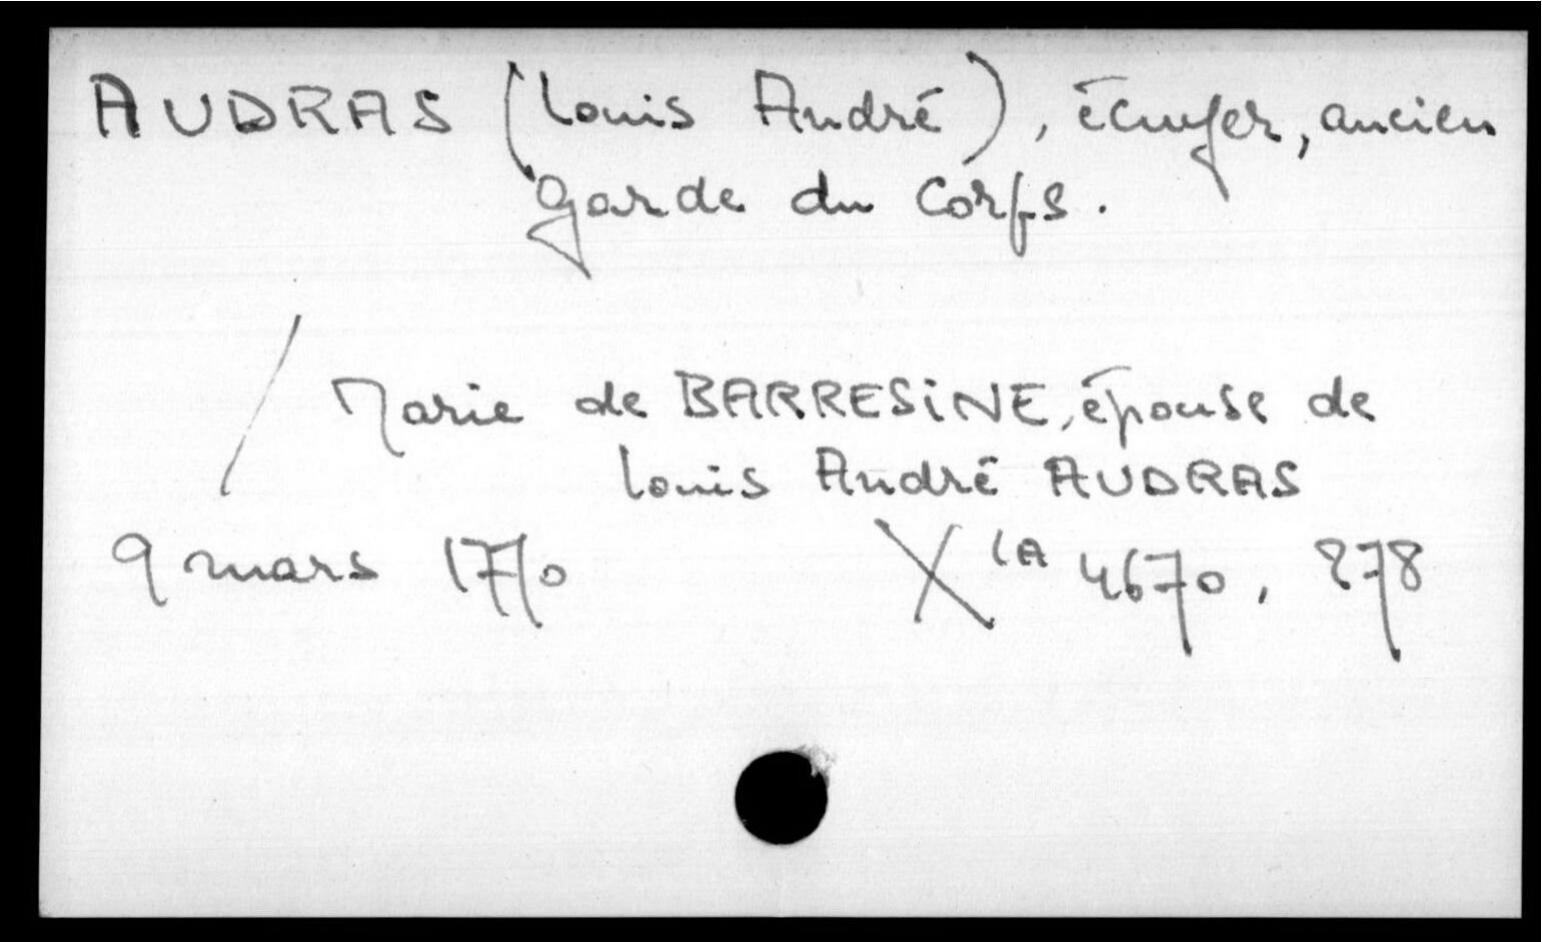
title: AUDRAS (Louis André), écuyer, ancien garde du Corps.
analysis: Contre Marie de BARRESINE, épouse de Louis André AUDRAS
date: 9 mars 1770
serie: X1A
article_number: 4670
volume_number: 278
